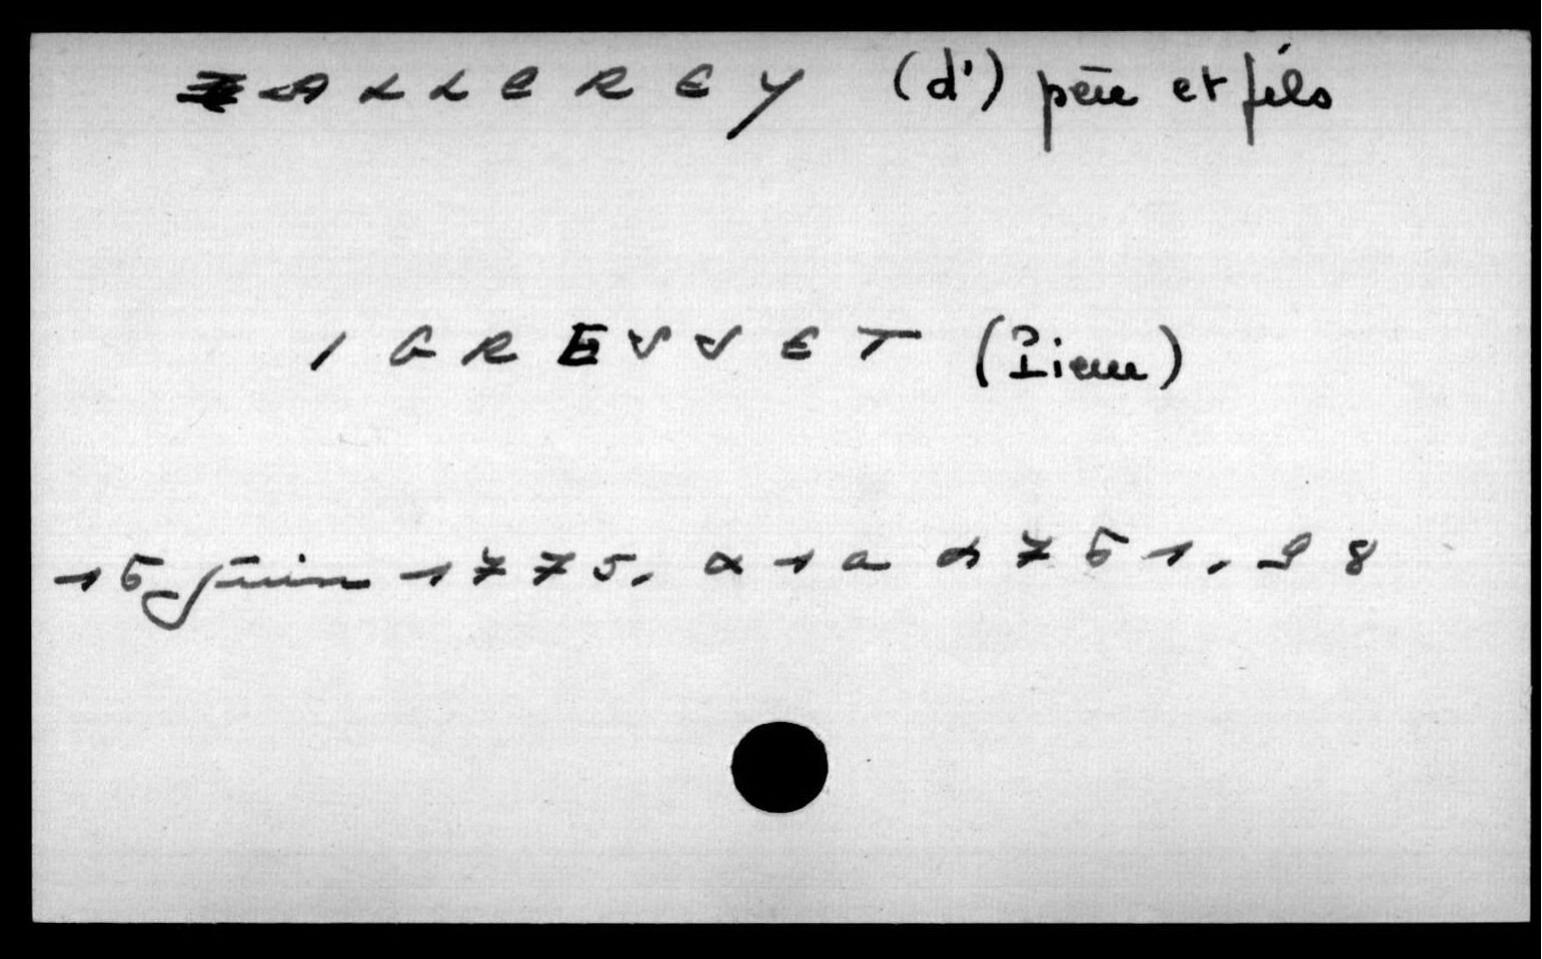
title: ALLERREY (d') père et fils
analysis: contre GRESSET (Pierre)
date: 16 juin 1775
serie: X1a
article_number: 4761
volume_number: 98
